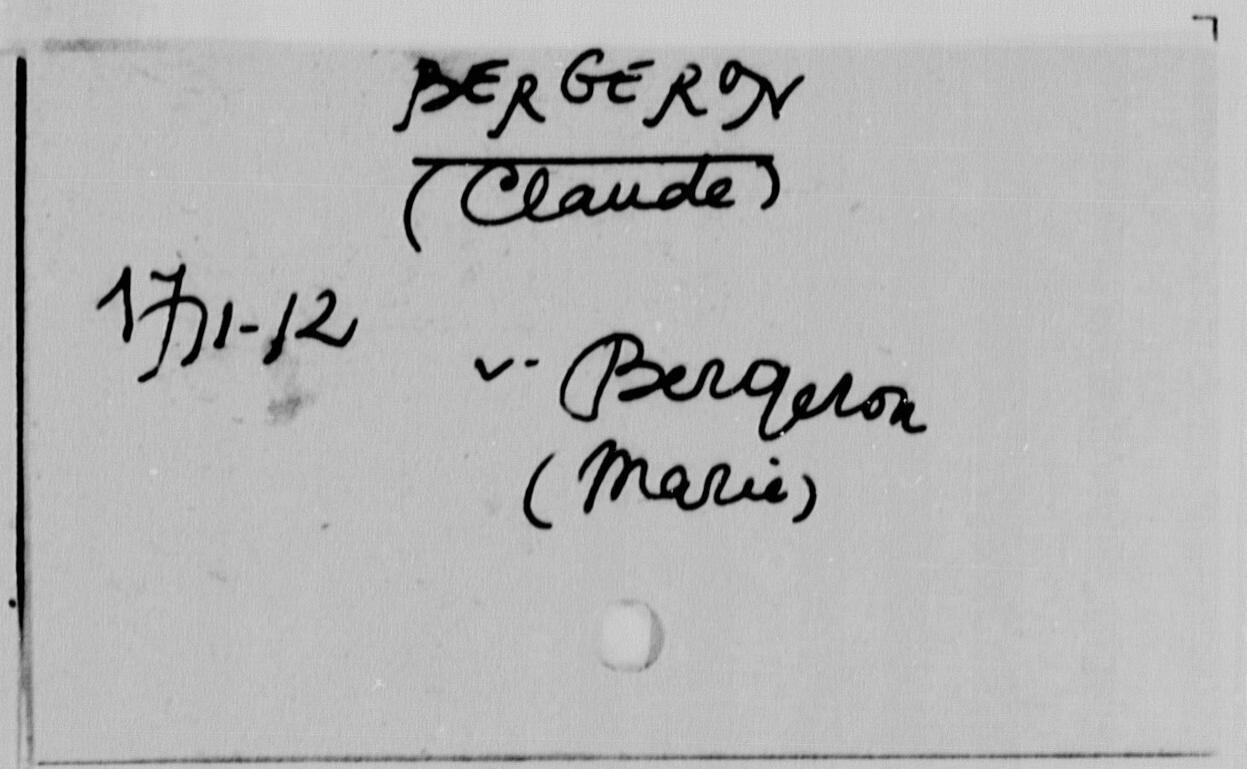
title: BERGERON (Claude)
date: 1711-1712
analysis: Voir BERGERON (Marie)
